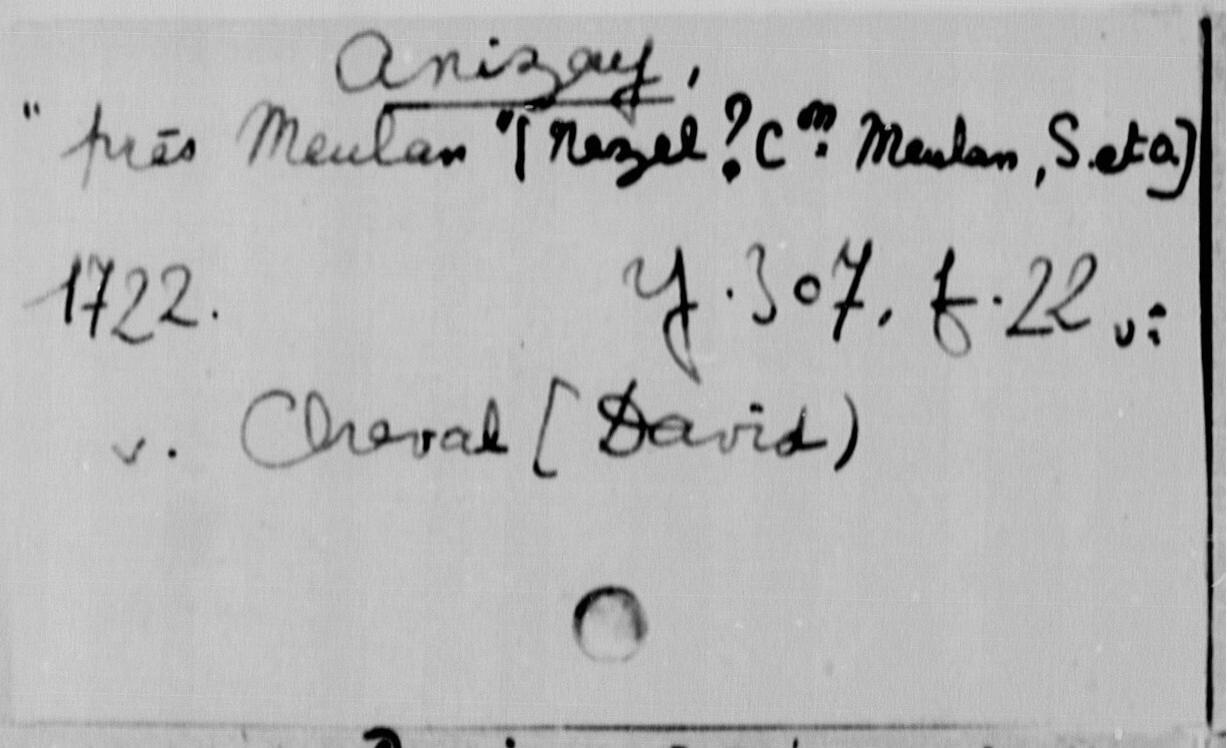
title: Anizay "près Maulan" [Nezel? Circonscription Meulan, Seine et Oise]
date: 1722
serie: Y
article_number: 307
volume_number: folio 22 verso
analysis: Voir Cheval (David)
